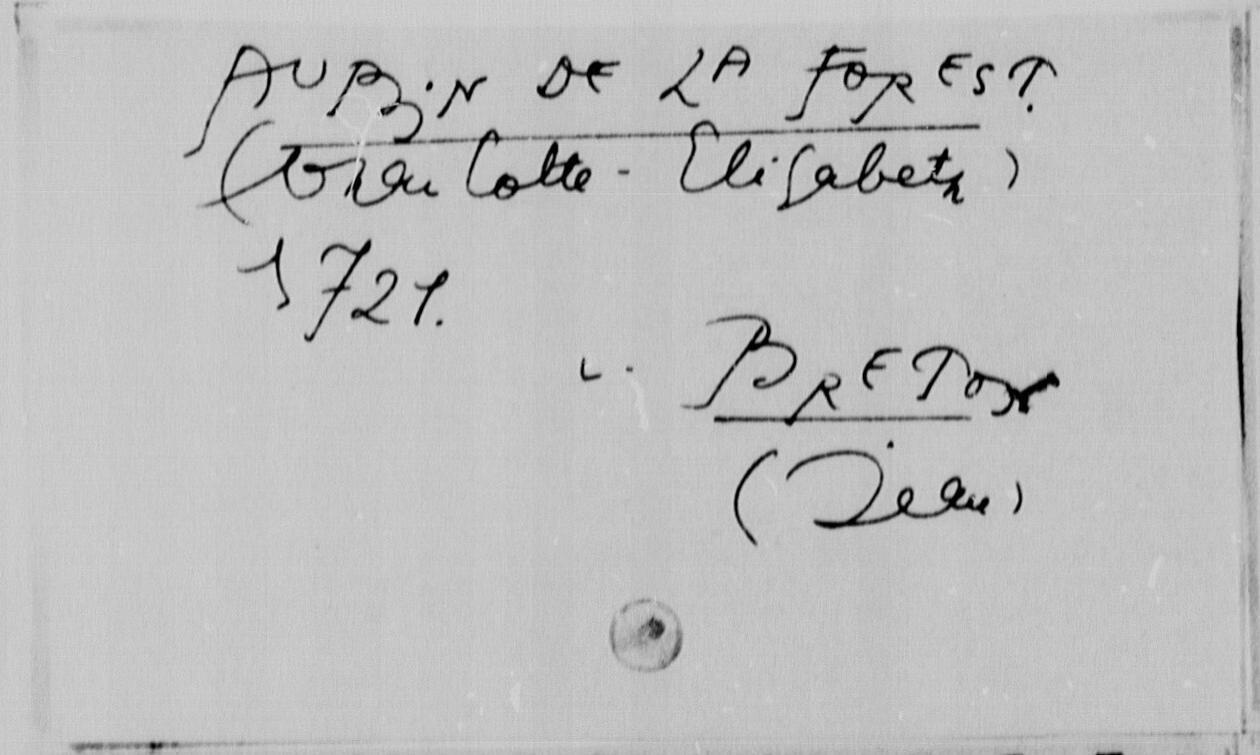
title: AUBIN DE LA FOREST (Charlotte Elisabeth)
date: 1721
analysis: Voir BRETON (Jean)
